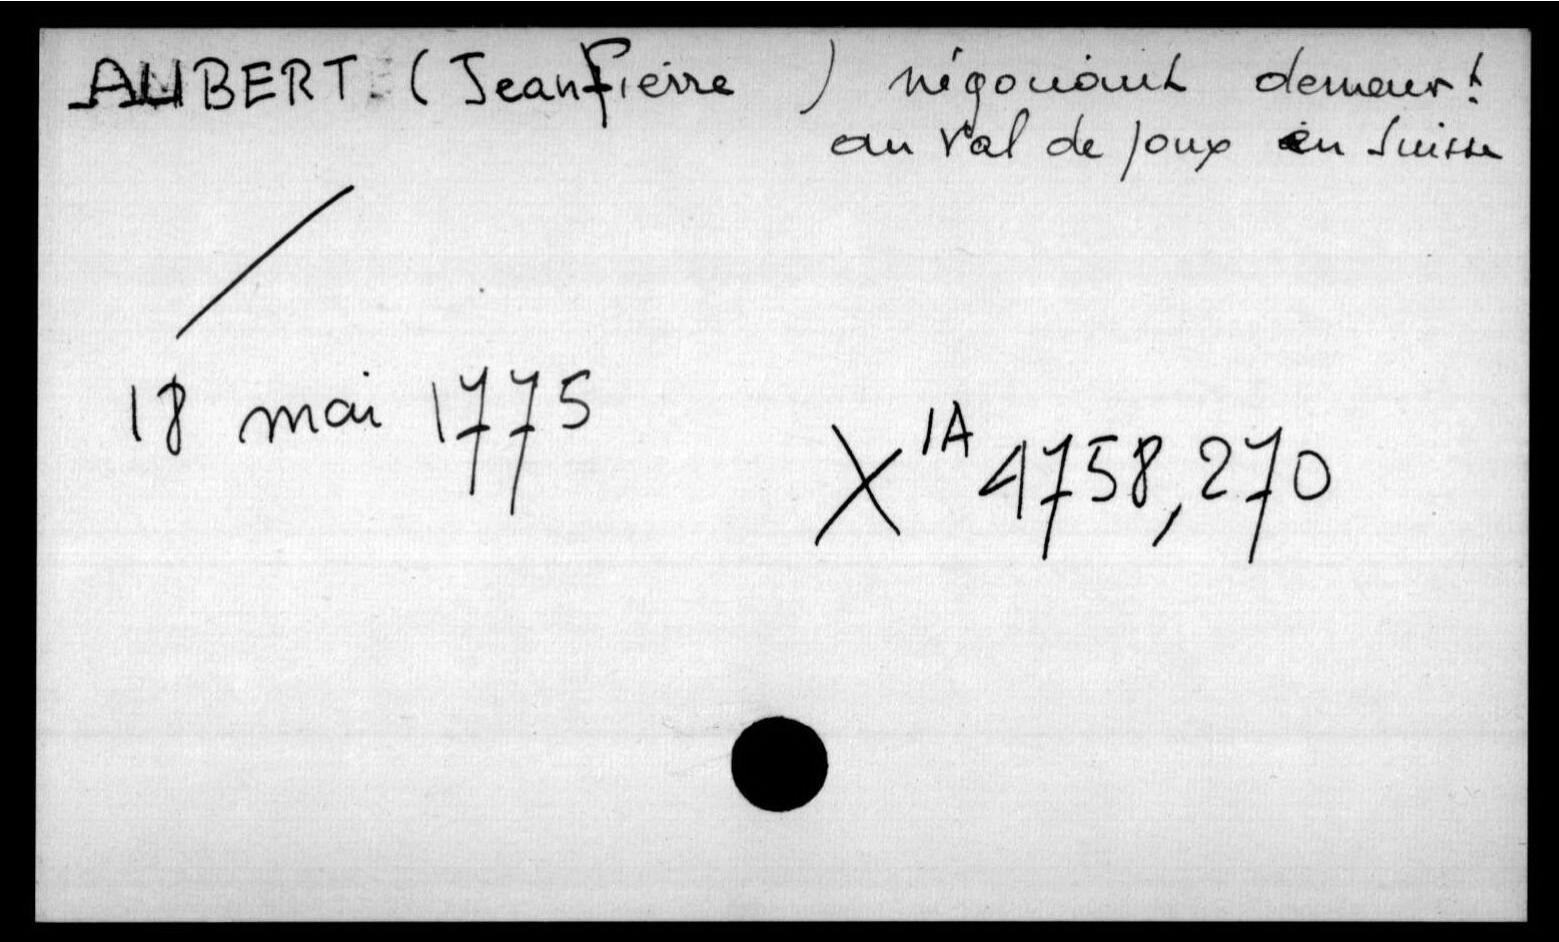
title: AUBERT (Jeanf-Pierre) négociant demeurant au Val de Joux en Suisse
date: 18 mai 1775
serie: X1A
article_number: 4758
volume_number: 270
